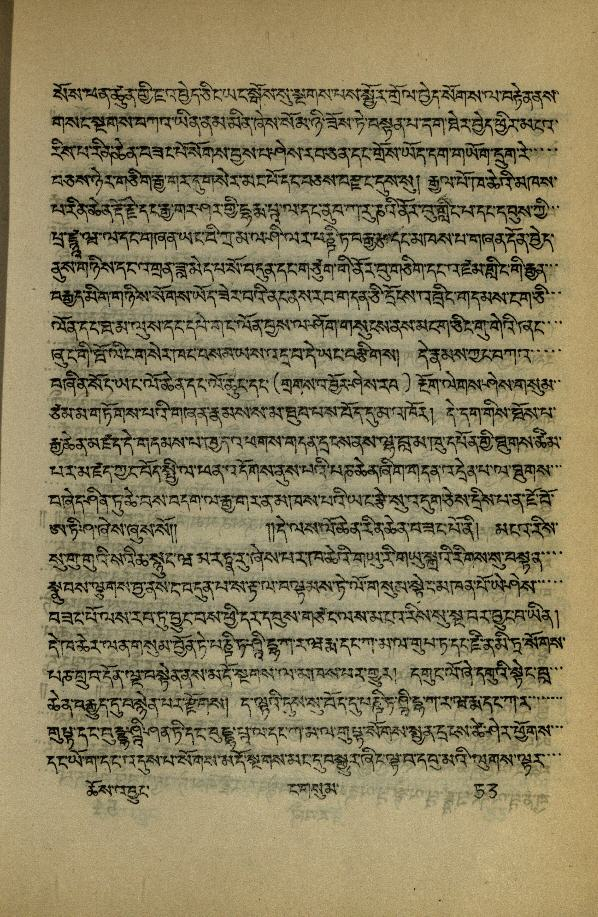སོས་ཕན་ཚུན་གྱི་ཇ་འབྱེད་ཅིང་ཡང་སྒོས་སུ་སྔགས་པས་སྦྱོར་གྲོལ་བྱེད་སོགས་ལ་བརྟེན་ནས་
གསང་སྔགས་བཀའ་ཡིན་ནམ་མིན་ཞེས་སོམ་ཉི་ཟོས་ཏེ་བསྟན་པ་དག་ཐེར་བྱེད་ཕྱིར་མངའ་
རིས་པ་རིན་ཆེན་བཟང་པོ་སོགས་བྱས་པ་ཤེས་རབ་ཅན་དང་གྲོས་ཡོད་དག་གཡོག་དྲུག་རེ་
བཅས་ཉེར་གཅིག་རྒྱ་གར་དུ་གསེར་མང་པོ་དང་བཅས་བརྫང་དུས་སུ། རྒྱལ་པོ་ཁ་ཆེའི་མཁས་
པ་རིན་ཆེན་རྡོ་རྗེ་དང་རྒྱ་གར་ཤར་གྱི་དྷརྨ་པཱ་ལ་དང་ནུབ་ཀ་རུ་ཎཱི་ནོར་བུ་གླིང་པ་དང་དབུས་ཀྱི་
པྲ་ཛྙཱ་ཝ་ལ་དང་གཞན་ཡང་བི་ཀྲ་མ་ལ་ཤི་ལར་པཎྜི་ཏ་བརྒྱ་རྩ་དང་མཁས་པ་གཞན་དོན་བྱེད་
ནུས་གཉིས་དང་འགྲན་ཟླ་མེད་པ་སོ་བདུན་དང་གཙུག་གི་ནོར་བུ་གཅིག་དང་འཛམ་གླིང་གི་རྒྱན་
བརྒྱད་མིག་གཉིས་སོགས་ཡོད་ཟེར་བའི་ནང་ནས་རབ་གདན་ཅི་དྲོངས་འབྲིང་གདམས་ངག་ཅི་
ལོན་དང་ཐ་མ་ལུས་དང་དཔེ་གང་ལོན་བྱས་ལ་ཤོག་གསུངས་ནས་མངག་ཅིང་གུ་གེའི་ཞང་
ཞུང་གི་ཐོ་ལིང་གསེར་ཁང་བསམ་ཡས་འདྲ་བ་དེ་ཡང་བརྩིགས། དེ་རྣམས་ཀྱང་བཀའ་
བཞིན་སོང་ཡང་ལོ་ཆེན་དང་ལོ་ཆུང་དང་གྲགས་འབྱོར་ཤེས་རབ་རྔོག་ལེགས་ཤེས་གསུམ་
ཙམ་མ་གཏོགས་པའི་གཞན་རྣམས་ས་མ་ཐུབ་པས་བོད་དུ་མ་འཁོར། དེ་དག་གིས་ཐོས་པ་
རྒྱ་ཆེན་མཛད་དེ་གདམས་པ་ཁྱད་འཕགས་གདན་དྲངས་ནས་ལྷ་བླ་མ་ཁུ་དཔོན་གྱི་ཐུགས་ཚིམ་
པར་མཛད་ཀྱང་བོད་སྤྱི་ལ་ཕན་འདོགས་ནུས་པའི་པཎ་ཆེན་ཞིག་གདན་འདྲེན་པ་ལ་ཐུགས་
བཞེད་ཤིན་ཏུ་ཆེ་བས་བདག་ལ་རྒྱ་གར་ན་མཁས་པའི་ཡང་རྩེ་སུ་འདུག་ཅེས་དྲིས་པ་ན་ཇོ་བོ་
ཨ་ཏི་ཤ་ཞེས་ཞུས་སོ།། །།དེ་ལས་ལོ་ཆེན་རིན་ཆེན་བཟང་པོ་ནི། མངའ་རིས་
སུ་གུ་གུའི་སའི་ཆ་སྙུང་ཝ་མ་རཏྣ་རུ་ཞེས་པར་ཁ་ཆེའི་གཡུ་རི་གཡུ་སྒྲའི་རིགས་སུ་བསྟན་
སྣུབས་ལྕགས་བྱ་ནས་ང་བདུན་པ་ས་རྟ་ལ་བལྟམས་ཏེ་ལོ་གསུམ་སྟེང་མཁན་པོ་ཡེ་ཤེས་
བཟང་པོ་ལས་རབ་ཏུ་བྱུང་བས་ཕྱི་དར་དབུས་གཙང་ལས་མངའ་རིས་སུ་སྔ་བར་བྱུང་བ་ཡིན།
དེ་ཁ་ཆེར་ལན་གསུམ་བྱོན་ཏེ་པཎྜི་ཏ་ཤྲཱི་དྷ་ཀ་ར་ཝརྨ་དང་ཀ་མ་ལ་གུཔ་ཏ་དང་ཛིན་མི་ཏྲ་སོགས་
པཎ་གྲུབ་དོན་ལྔ་བསྟེན་ནས་མདོ་སྔགས་ལ་མཁས་པར་གྱུར། དགུང་ལོ་ཞེ་དགུའི་སྟེང་བླ་
ཆེན་བརྒྱུད་དུ་བསྙེན་པར་རྫོགས། ད་ལྟའི་དུས་སུ་བོད་དུ་པཎྜི་ཏ་ཤྲཱི་དྷ་ཀ་ར་ཝརྨ་དང་ཀ་ར་
གུཔྟ་དང་བུདྡྷ་ཤྲཱི་ཤན་ཏི་དང་བུདྡྷཱ་པཱ་ལ་དང་ཀ་མ་ལ་གུཔྟ་སོགས་སྤྱན་དྲངས་ཚེ་ཤེར་ཕྱོགས་
དང་ཡོ་ག་དང་འདུས་པ་སོགས་མདོ་སྔགས་མང་དུ་བསྒྱུར་ཞིང་ལྟ་བ་དབུ་མའི་ལུགས་ལྟར་